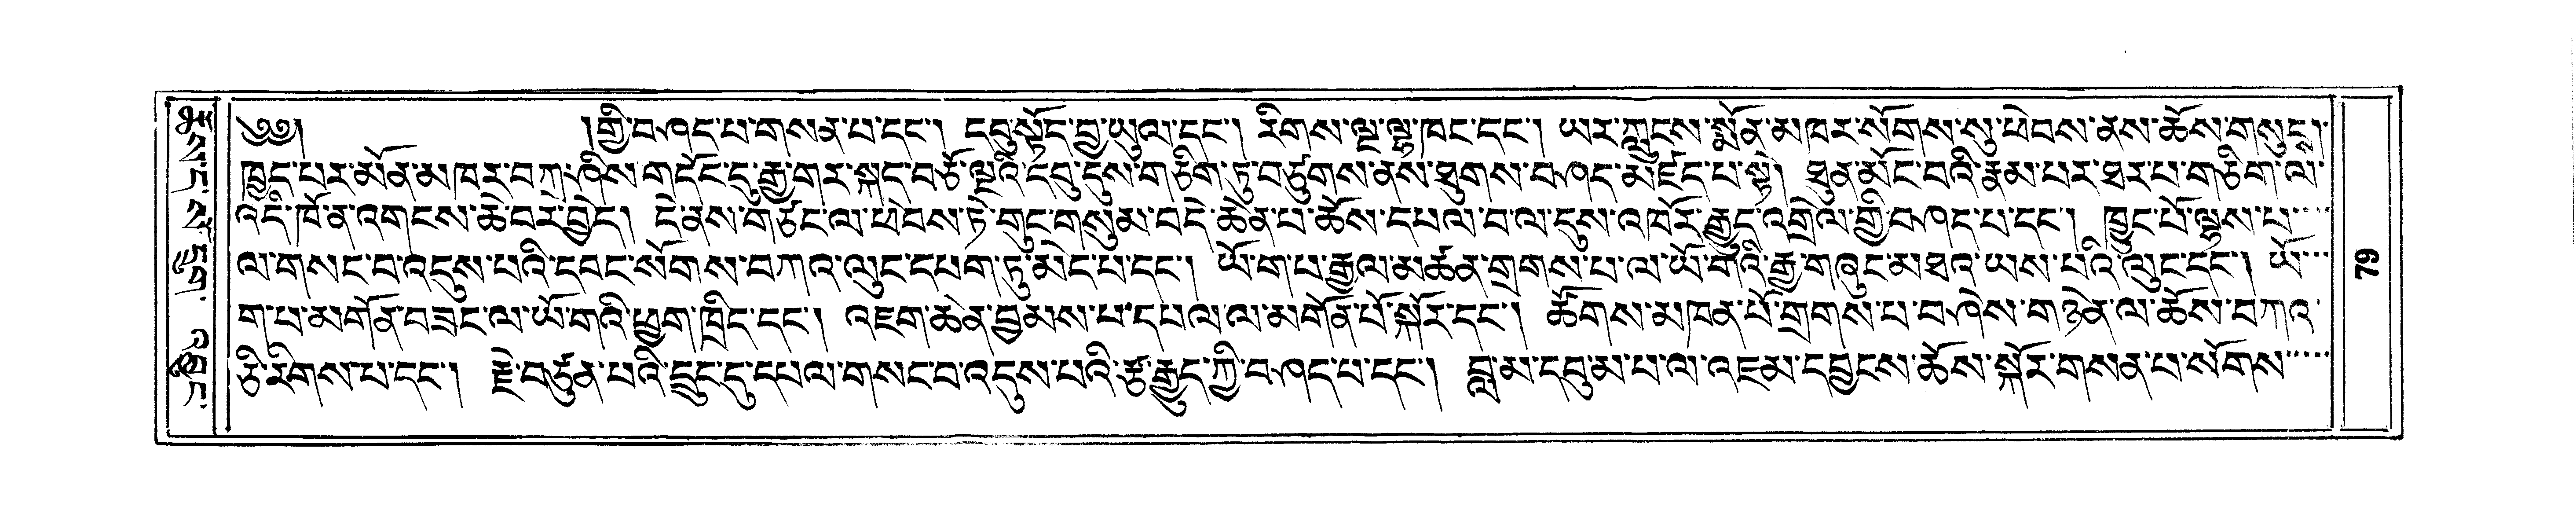༄༅། །གྱི་བཤད་པ་གསན་པ་དང་། དབུ་སྟོད་བྱ་ཡུལ་དང་། རིགས་ལྔ་ལྷ་ཁང་དང་། ཡར་ཀླུངས་སྨོན་མཁར་སོགས་སུ་ཕེབས་ནས་ཆོས་གསུངས།
ཁྱད་པར་མོན་མཁར་བཀྲ་ཤིས་གདོང་དུ་རྒྱ་གར་སྐད་བཅོ་ལྔའི་དབུ་དུས་གཅིག་ཏུ་བཙུགས་ནས་ཐུགས་བཤད་མཛད་པ་སྟེ། ཐུན་མོང་བའི་རྣམ་པར་ཐར་པ་གཅིག་ལ་
འདི་ཁོ་ན་འགངས་ཆེ་བར་བྱེད། དེ་ནས་གཙང་ལ་ཕེབས་ཏེ་གུང་གསུམ་བདེ་ཆེན་པ་ཆོས་དཔལ་བ་ལ་དུས་འཁོར་རྒྱུད་འགྲེལ་གྱི་བཤད་པ་དང་། ཁྱུང་པོ་ལྷས་པ་
ལ་གསང་བ་འདུས་པའི་དབང་སོགས་བཀའ་ལུང་དཔག་ཏུ་མེད་པ་དང་། ཡོ་ག་པ་རྒྱལ་མཚན་གྲགས་པ་ལ་ཡོ་གའི་རྒྱ་གཞུང་མཐའ་ཡས་པའི་ལུང་དང་། ཡོ་
ག་པ་མགོན་བཟང་ལ་ཡོ་གའི་ཕྱག་ཁྲིད་དང་། འཇག་ཆེན་བྱམས་པ་དཔལ་ལ་མགོན་པོ་སྐོར་དང་། ཚོགས་མཁན་པོ་གྲགས་པ་བཤེས་གཉེན་ལ་ཆོས་བཀའ་
ཅི་རིགས་པ་དང་། རྗེ་བཙུན་པའི་དྲུང་དུ་དཔལ་གསང་བ་འདུས་པའི་རྩ་རྒྱུད་ཀྱི་བཤད་པ་དང་། བླ་མ་དབུ་མ་པ་ལ་འཇམ་དབྱངས་ཆོས་སྐོར་གསན་པ་སོགས་